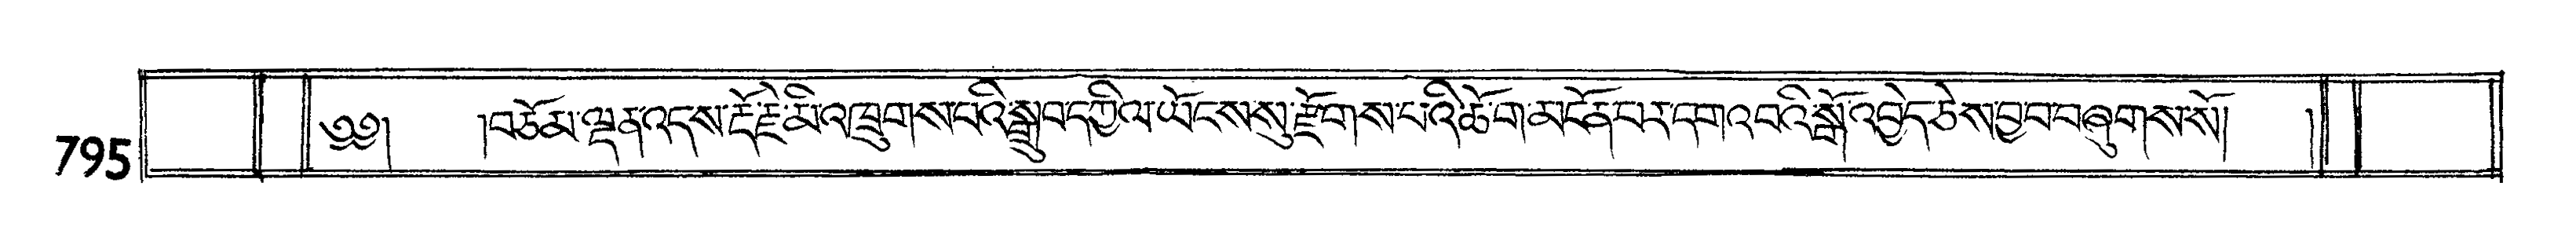༄༅། །བཅོམ་ལྡན་འདས་རྡོ་རྗེ་མི་འཁྲུགས་པའི་སྒྲུབ་དཀྱིལ་ཡོངས་སུ་རྫོགས་པའི་ཆོ་ག་མངོན་པར་དགའ་བའི་སྒོ་འབྱེད་ཅེས་བྱ་བ་བཞུགས་སོ། །